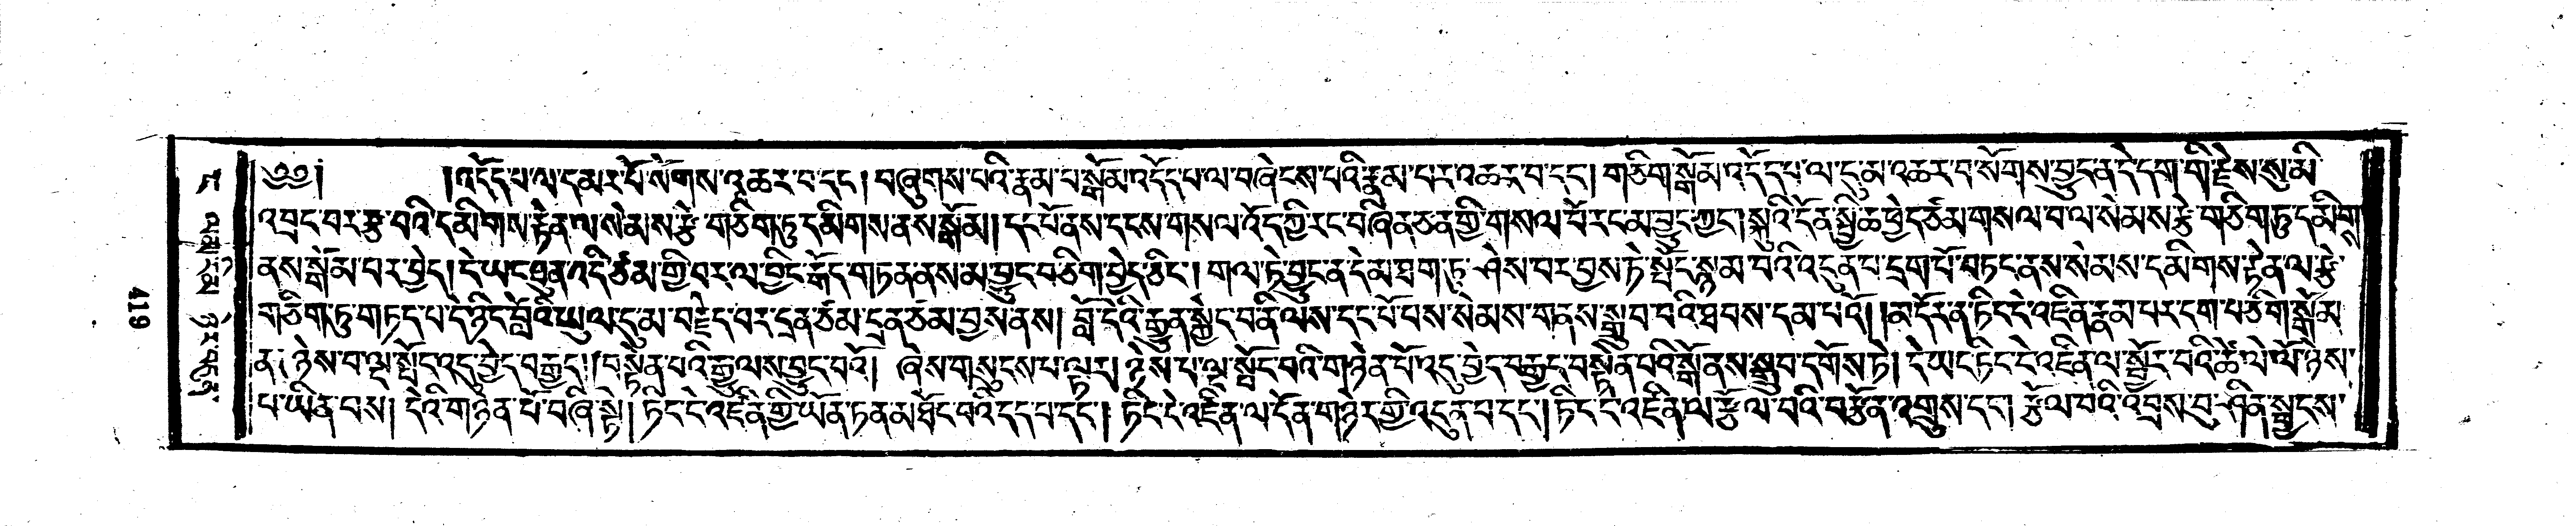༄༅། །འདོད་པ་ལ་དམར་པོ་སོགས་འཆར་བ་དང་། བཞུགས་པའི་རྣམ་པ་སྒོམ་འདོད་པ་ལ་བཞེངས་པའི་རྣམ་པར་འཆར་བ་དང་། གཅིག་སྒོམ་འདོད་པ་ལ་དུ་མ་འཆར་བ་སོགས་བྱུང་ན་དེ་དག་གི་རྗེས་སུ་མི་
འབྲང་བར་རྩ་བའི་དམིགས་རྟེན་ལ་སེམས་རྩེ་གཅིག་ཏུ་དམིགས་ནས་སྒོམ། དང་པོ་ནས་དངས་གསལ་འོད་ཀྱི་རང་བཞིན་ཅན་གྱི་གསལ་པོ་རང་མ་བྱུང་ཀྱང་། སྐུའི་དོན་སྤྱི་ཆ་ཕྱེད་ཙམ་གསལ་བ་ལ་སེམས་རྩེ་གཅིག་ཏུ་དམིགས་
ནས་སྒོམ་པར་བྱེད། དེ་ཡང་ཐུན་འདི་ཙམ་གྱི་བར་ལ་བྱིང་རྒོད་གཏན་ནས་མ་བྱུང་བ་ཅིག་བྱེད་ཅིང་། གལ་ཏེ་བྱུང་ན་དེ་མ་ཐག་ཏུ་ཤེས་པར་བྱས་ཏེ་སྤོང་སྙམ་པའི་འདུན་པ་དྲག་པོ་བཏང་ནས་སེམས་དམིགས་རྟེན་ལ་རྩེ་
གཅིག་ཏུ་གཏང་བ་དེ་ཉིད་བློའི་ཡུལ་དུ་མ་བརྗེད་པར་ངན་ཙམ་དྲན་ཙམ་བྱས་ནས། བློ་དེའི་རྒྱུན་སྐྱོང་བ་ནི་ལས་དང་པོ་པས་སེམས་གནས་སྒྲུབ་པའི་ཐབས་དམ་པའོ། །མདོར་ན་ཏིང་ངེ་འཛིན་རྣམ་པར་དག་པ་ཅིག་སྒོམ་
ན། ཉེས་པ་ལྔ་སྤོང་འདུ་བྱེད་བརྒྱད། །བསྟེན་པའི་རྒྱུ་ལས་བྱུང་བའོ། ཞེས་གསུངས་པ་ལྟར། ཉེས་པ་ལྔ་སྤོང་བའི་གཉེན་པོ་འདུ་བྱེད་བརྒྱད་བསྟེན་པའི་སྒོ་ནས་སྒྲུབ་དགོས་ཏེ། དེ་ཡང་ཏིང་ངེ་འཛིན་ལ་སྦྱོར་བའི་ཚེ་ལེ་ལོ་ཉེས་
པ་ཡིན་པས། དེའི་གཉེན་པོ་བཞི་སྟེ། ཏིང་ངེ་འཛིན་གྱི་ཡོན་ཏན་མཐོང་བའི་དད་པ་དང་། ཏིང་ངེ་འཛིན་ལ་དོན་གཉེར་གྱི་འདུན་པ་དང་། ཏིང་ངེ་འཛིན་ལ་རྩོལ་བའི་བརྩོན་འགྲུས་དང་། རྩོལ་བའི་འབྲས་བུ་ཤིན་སྦྱངས་